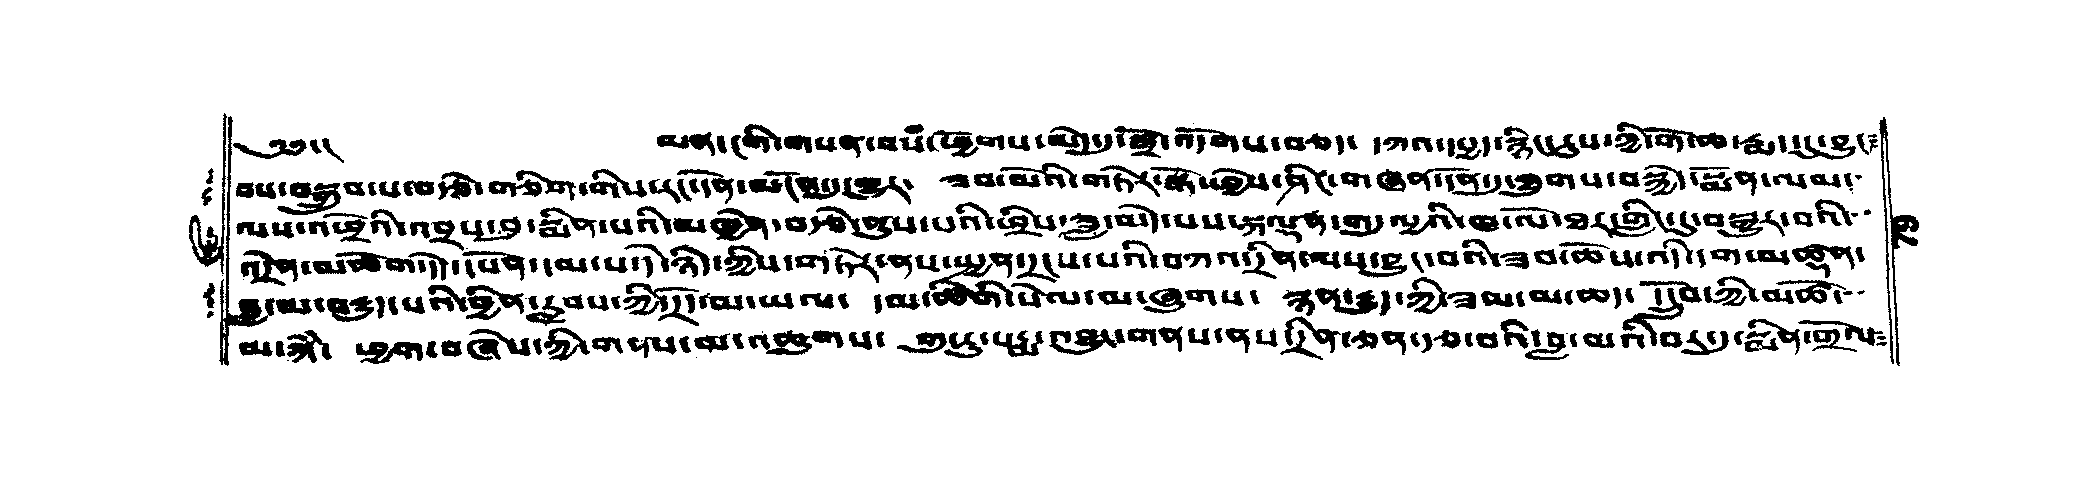མན་ངག་གི་གསན་བསམ་ཕྱོགས་མེད་དུ་སྒྲོ་འདོགས་བཅད། དཀའ་དཔྱད་སྙིང་རུས་ཀྱི་གོ་ཆ་རྨད་དུ་བྱུང་
བས་བསྒྲུབ་པ་བརྩེ་གཅིག་གིས་རང་དོན་མངོན་དུ་གྱུར། ཟབ་མོའི་གཏེར་སྒོ་ཕྱེས་ཤིང་གཞན་དོན་དུ་ཐུགས་བསྐྱེད་སྨོན་ལམ་
ལས་འཕྲོའི་འབྲས་བུ་སྨིན་པའི་མཁྱེན་བརྩེ་ནུས་པའི་ཕྲིན་ལས་ཟླ་མེད་པས་སྐལ་ལྡན་གདུལ་བྱའི་ཁ་ལོ་ཐར་གླིང་དུ་བསྒྱུར་བའི་
འདྲེན་མཆོག་དེད་དཔོན་དམ་པ་དེ་ཉིད་ཀྱིས་གཏེར་ནས་སྤྱན་དྲངས་པའི་བཀའ་དྲིན་ལས་བྱུང་བའི་ཟབ་ཆོས་འདི་དག་མཚན་ལྡན་
བླ་མ་བརྒྱུད་པའི་བྱིན་རླབས་ཀྱི་དྲོད་མ་ཡལ། དམ་ཚིག་གི་སེལ་མ་ཞུགས། སྙན་རྒྱུད་ཀྱི་ཟམ་མ་ཆད། དངོས་གྲུབ་ཀྱི་མཚོ་
མ་སྐམ། ཕྱག་བཞེས་ཀྱི་གནས་མ་ཆུགས། གུ་རུ་པདྨ་འབྱུང་གནས་ནས་དྲིན་ཅན་རྩ་བའི་བླ་མའི་བར་དུ་སྨིན་གྲོལ་